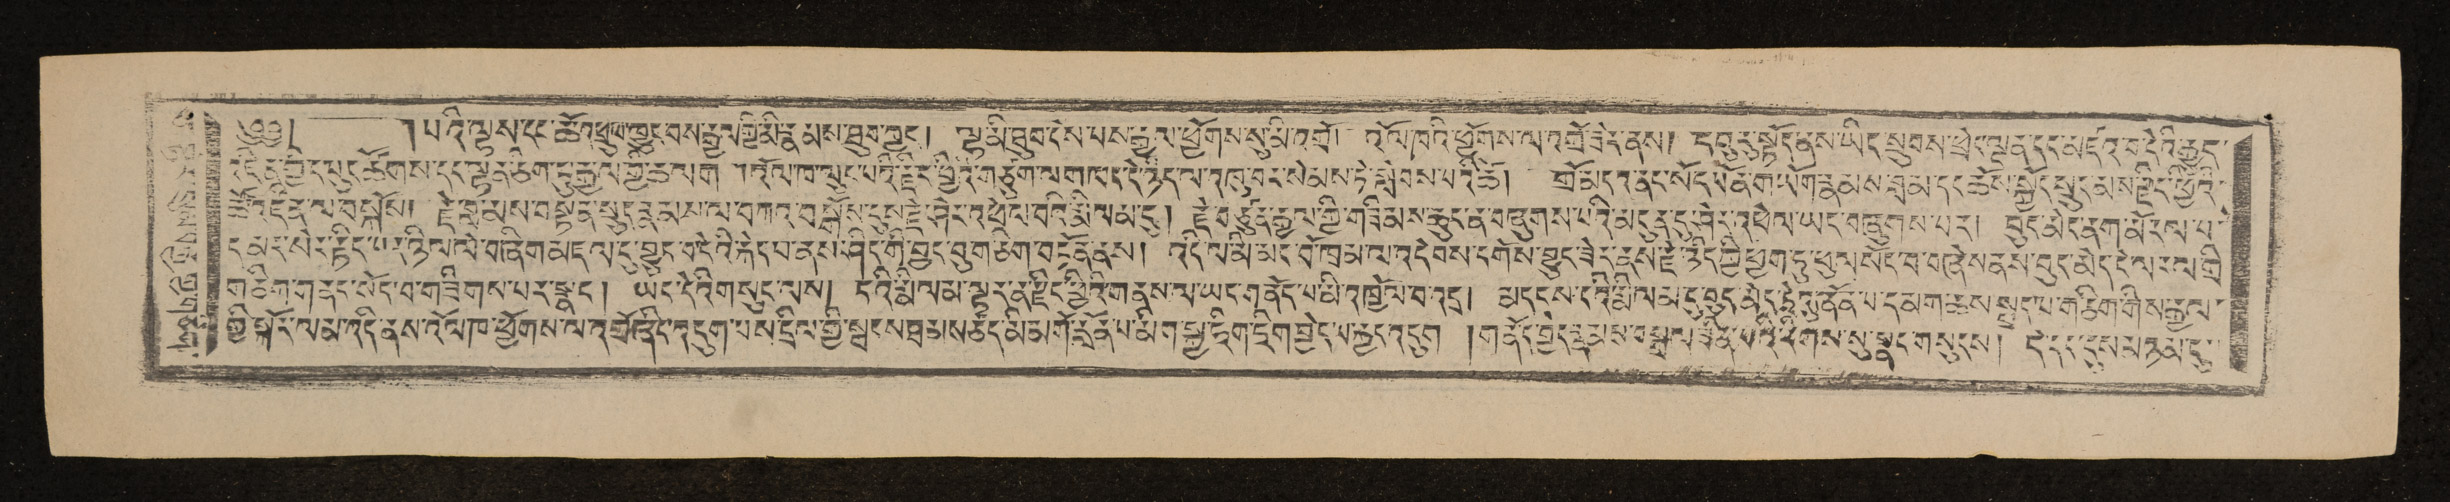༄༅། །པའི་ལྟས་དང་ཆོ་འཕྲུལ་བྱུང་བས་རྒྱལ་གྱི་མི་རྣམས་ཐུབ་ཀྱང་། ལྷ་མི་ཐུབ་ངེས་པས་རྒྱལ་ཕྱོགས་སུ་མི་འགྲོ། འོལ་ཁའི་ཕྱོགས་ལ་འགྲོ་ཟེར་ནས། དབུ་རུ་སྟོད་ནས་ཡིད་སྲུབས་ཕྲེང་ལྡན་དང་མཛའ་བ་དེའི་རྒྱུད་
འཛིན་གྱི་དཔུང་ཚོགས་དང་ལྷན་ཅིག་ཏུ་རྒྱལ་གྱི་ཆ་ལག །འོལ་ཁ་ལུང་པའི་རྫིང་ཕྱིའི་གཙུག་ལག་ཁང་དེ་ཉིད་ལ་འཁུ་བར་སེམས་ཏེ་སླེབས་པའི་ཚེ། གྲོ་མདའ་ནང་སོ་དཔོན་གཡོག་རྣམས་བླ་མ་དང་ཆོས་སྐྱོང་སྲུང་མས་རྫིང་ཕྱིའི་
ཆོ་འཛིན་ལ་བསྐོས། རྗེ་བླ་མས་བསྟན་སྲུང་རྣམས་ལ་བཀའ་བསྒོས་དུས་རྗེ་ཤེར་འཕེལ་བའི་རྨི་ལམ་དུ། རྗེ་བཙུན་རྒྱལ་གྱི་གཟིམས་ཆུང་ན་བཞུགས་པའི་མདུན་དུ་ཤེར་འཕེལ་ཡང་བཞུགས་པར། བུད་མེད་ནག་མོ་རལ་པ་
དམར་སེར་རྟིང་པར་ཉིལ་ལེ་བ་ཞིག་མཇལ་དུ་བྱུང་བ་དེའི་རྐེད་པ་ནས་ཤིང་གི་བྱང་བུ་གཅིག་བཏོན་ནས། འདི་ལ་མི་མང་པོ་ཁྲམ་ལ་འདེབས་དགོས་བྱུང་ཟེར་ནས་རྗེ་ཉིད་ཀྱི་ཕྱག་ཏུ་ཕུལ་སོང་བ་བཞེས་ནས་བུད་མེད་དེ་ལ་རལ་གྲི་
གཅིག་གནང་སོང་བ་གཟིགས་པར་སྣང་། ཡང་དེའི་གསུང་ལས། ངའི་རྨི་ལམ་ལྟར་ན་རྫིང་ཕྱིའི་གནས་ལ་ཡང་གནོད་པ་མི་འཁྱོལ་བ་འདྲ། མདངས་ངའི་རྨི་ལམ་དུ་བུད་མེད་ཏེའུ་ཞོན་པ་དམག་ཆས་སྤྲད་པ་གཅིག་གིས་རྒྱལ་
གྱི་སྐོར་ལམ་འདི་ནས་འོལ་ཁ་ཕྱོགས་ལ་འགྲོ་ཞིང་འདུག་པས་དྲེལ་གྱི་སྤངས་ཐམས་ཅད་མི་མགོ་རློན་པ་མིག་སྐྱ་ཧྲིག་ཧྲིག་བྱེད་པ་རྐྱང་འདུག །གནོད་བྱེད་རྣམས་བསྒྲལ་ཟིན་པའི་རིགས་སུ་སྣང་གསུངས། དེ་དང་དུས་མཉམ་དུ་